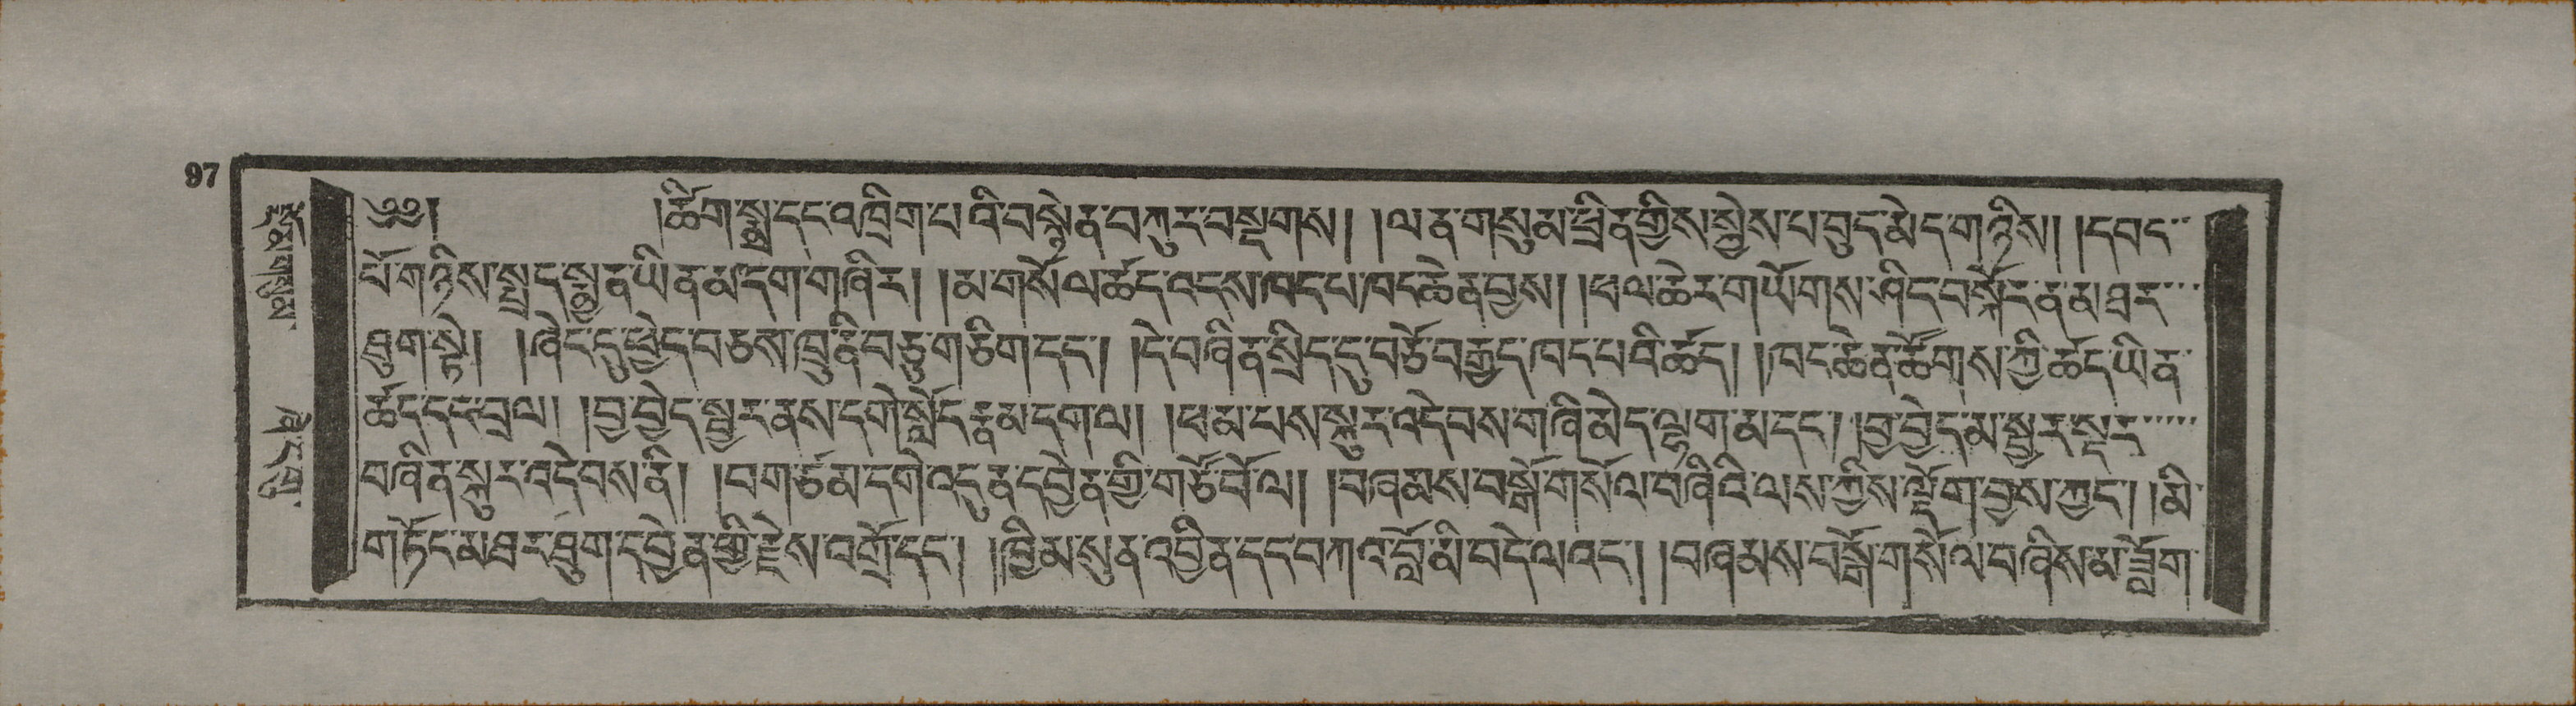༄༅། །ཚིག་སྨྲ་དང་འཁྲིག་པའི་བསྙེན་བཀུར་བསྔགས། །ལན་གསུམ་ཕྲིན་གྱིས་སྐྱེས་པ་བུད་མེད་གཉིས། །དབང་
པོ་གཉིས་སྤྲད་སྨྱན་ཡིན་མ་དག་གཞིར། །མ་གསོལ་ཚད་འདས་ཁང་པ་ཁང་ཆེན་བྱས། །ཕལ་ཆེར་གཡོགས་ཤིང་བསྐོར་ན་མཐར་
ཐུག་སྟེ། །ཞེང་དུ་ཕྱེད་བཅས་ཁྲུ་ནི་བཅུ་གཅིག་དང་། །དེ་བཞིན་སྲིད་དུ་བཅོ་བརྒྱད་ཁང་པའི་ཚད། །ཁང་ཆེན་ཚོགས་ཀྱི་ཚད་ཡིན་
ཚད་དང་བྲལ། །བྱ་བྱེད་སྦྱར་ནས་དགེ་སློང་རྣམ་དག་ལ། །ཕམ་པས་སྐུར་འདེབས་གཞི་མེད་ལྷག་མ་དང་། །བྱ་བྱེད་མ་སྦྱར་སྔར་
བཞིན་སྐུར་འདེབས་ནི། །བག་ཙམ་དགེ་འདུན་དབྱེན་གྱི་གཙོ་བོ་ལ། །བཞམས་བསྒོ་གསོལ་བཞིའི་ལས་ཀྱིས་ལྡོག་བྱས་ཀྱང་། །མི་
གཏོང་མཐར་ཐུག་དབྱེན་གྱི་རྗེས་འགྲོ་དང་། །ཁྱིམ་སུན་འབྱིན་དང་བཀའ་བློ་མི་བདེ་ལའང་། །བཞམས་བསྒོ་གསོལ་བཞིས་མ་ཟློག་